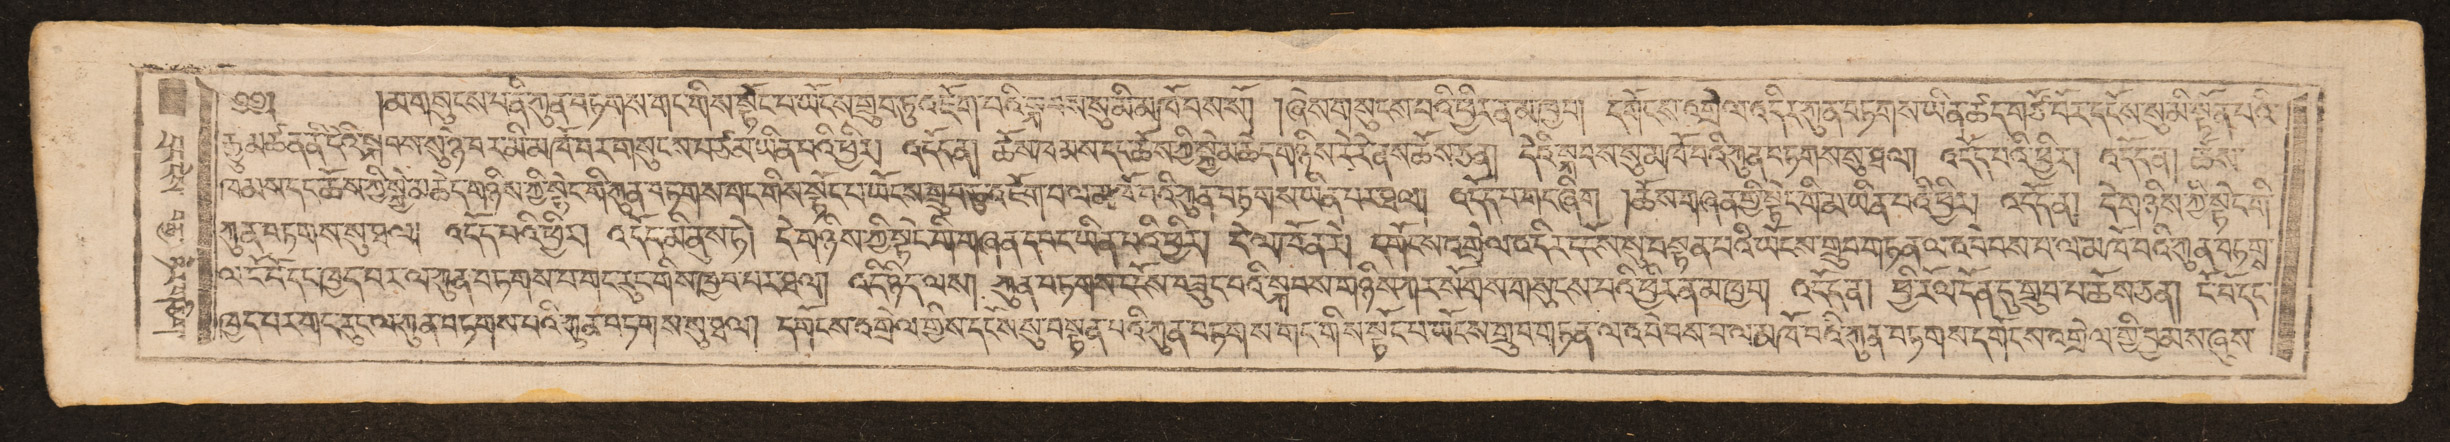༄༅། །མ་གསུངས་པ་ནི་ཀུན་བཏགས་གང་གིས་སྟོང་པ་ཡོངས་གྲུབ་ཏུ་འཇོག་པའི་སྐབས་སུ་མི་མཁེ་བས་སོ། །ཞེས་གསུངས་པའི་ཕྱིར་ན་མ་ཁྱབ། དགོངས་འགྲེལ་འདིར་ཀུན་བཏགས་ཡིན་ཚད་གཙོ་བོར་དངོས་སུ་མི་སྟོན་པའི་
རྒྱུ་མཚན་ནི་དེའི་སྐབས་སུ་ཉེ་བར་མི་མཁོ་བར་གསུངས་པ་ཙམ་ཡིན་པའི་ཕྱིར། འདོད་ན། ཆོས་ཁམས་དང་ཆོས་ཀྱི་སྐྱེ་མཆེད་གཉིས་རེ་རེ་ནས་ཆོས་ཅན། དེའི་སྐབས་སུ་མཁོ་བའི་ཀུན་བཏགས་སུ་ཐལ། འདོད་པའི་ཕྱིར། འདོད་ན། ཆོས་
ཁམས་དང་ཆོས་ཀྱི་སྐྱེ་མཆེད་གཉིས་ཀྱི་སྟེང་གི་ཀུན་བཏགས་གང་གིས་སྟོང་པ་ཡོངས་གྲུབ་ཏུ་འཇོག་པ་ལ་མཁོ་བའི་ཀུན་བཏགས་ཡིན་པར་ཐལ། འདོད་པ་གང་ཞིག །ཆོས་གཞན་གྱི་སྟེང་གི་མ་ཡིན་པའི་ཕྱིར། འདོད་ན། དེ་གཉིས་ཀྱི་སྟེང་གི་
ཀུན་བཏགས་སུ་ཐལ། འདོད་པའི་ཕྱིར། འདོད་མི་ནུས་ཏེ། དེ་གཉིས་ཀྱི་སྟེང་གི་གཞན་དབང་ཡིན་པའི་ཕྱིར། དེ་ལ་ཁོ་ན་རེ། དགོངས་འགྲེལ་འདིར་དངོས་སུ་བསྟན་པའི་ཡོངས་གྲུབ་གཏན་ལ་འབེབས་པ་ལ་མཁོ་བའི་ཀུན་བཏགས་
ལ་ངོ་བོ་དང་ཁྱད་པར་ལ་ཀུན་བཏགས་བ་གང་རུང་གིས་ཁྱབ་བར་ཐལ། འདི་ཉིད་ལས། ཀུན་བཏགས་དངོས་བཟུང་བའི་སྐབས་གཉིས་ཀར་སོགས་གསུངས་པའི་ཕྱིར་ན་མ་ཁྱབ། འདོད་ན། ཕྱི་རོལ་དོན་དུ་གྲུབ་པ་ཆོས་ཅན། ངོ་བོ་དང་
ཁྱད་པར་གང་རུང་ལ་ཀུན་བཏགས་པའི་ཀུན་བཏགས་སུ་ཐལ། དགོངས་འགྲེལ་གྱིས་དངོས་སུ་བསྟན་པའི་ཀུན་བཏགས་གང་གིས་སྟོང་པ་ཡོངས་གྲུབ་གཏན་ལ་འབེབས་པ་ལ་མཁོ་བའི་ཀུན་བཏགས་དགོངས་འགྲེལ་གྱི་བྱམས་ཞུས་